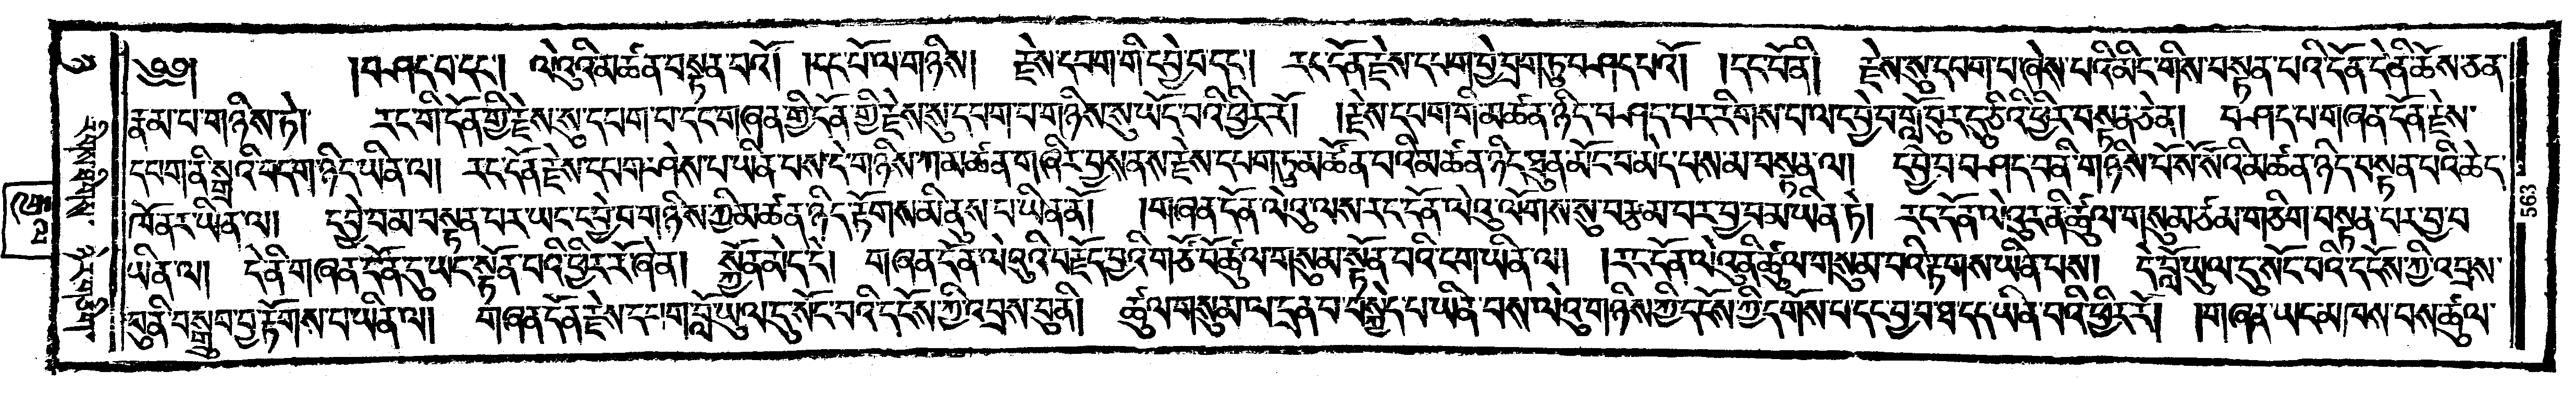༄༅། །བཤད་པ་དང་། ལེའུའི་མཚན་བསྟན་པའོ། །དང་པོ་ལ་གཉིས། རྗེས་དཔག་གི་དབྱེ་བ་དང་། རང་དོན་རྗེས་དཔག་བྱེ་བྲག་ཏུ་བཤད་པའོ། །དང་པོ་ནི། རྗེས་སུ་དཔག་པ་ཞེས་པའི་མིང་གིས་བསྟན་པའི་དོན་དེ་ནི་ཆོས་ཅན་
རྣམ་པ་གཉིས་ཏེ། རང་གི་དོན་གྱི་རྗེས་སུ་དཔག་པ་དང་གཞན་གྱི་དོན་གྱི་རྗེས་སུ་དཔག་པ་གཉིས་སུ་ཡོད་པའི་ཕྱིར་རོ། །རྗེས་དཔག་གི་མཚན་ཉིད་བཤད་པར་རིགས་པ་ལ་དབྱེ་བ་གློ་བུར་དུ་ཅིའི་ཕྱིར་བསྟན་ཅེ་ན། བཤད་པ་གཞན་དོན་རྗེས་
དཔག་ནི་སྒྲའི་བདག་ཉིད་ཡིན་ལ། རང་དོན་རྗེས་དཔག་ཤེས་པ་ཡིན་པས་དེ་གཉིས་ཀ་མཚན་གཞིར་བྱས་ནས་རྗེས་དཔག་ཏུ་མཚོན་པའི་མཚན་ཉིད་ཐུན་མོང་བ་མེད་པས་མ་བསྟན་ལ། དབྱེ་བ་བཤད་པ་ནི་གཉིས་པོ་སོ་སོའི་མཚན་ཉིད་བསྟན་པའི་ཆེད་
ཁོ་ནར་ཡིན་ལ། དབྱེ་བ་མ་བསྟན་པར་ཡང་དབྱེ་བ་གཉིས་ཀྱི་མཚན་ཉིད་རྟོགས་མི་ནུས་པ་ཡིན་ནོ། །གཞན་དོན་ལེའུ་ལས་རང་དོན་ལེའུ་ལོགས་སུ་བརྩམ་པར་བྱ་བ་མ་ཡིན་ཏེ། རང་དོན་ལེའུར་ནི་ཚུལ་གསུམ་ཙམ་གཅིག་བསྟན་པར་བྱ་བ་
ཡིན་ལ། དེ་ནི་གཞན་དོན་དུ་ཡང་སྟོན་པའི་ཕྱིར་རོ་ཞེ་ན། སྐྱོན་མེད་དེ། གཞན་དོན་ལེའུའི་བརྗོད་བྱའི་གཙོ་བོ་ཚུལ་གསུམ་སྟོན་པའི་ངག་ཡིན་ལ། །རང་དོན་ལེའུ་ནི་ཚུལ་གསུམ་པའི་རྟགས་ཡིན་པས། དེ་བློ་ཡུལ་དུ་སོང་བའི་དངོས་ཀྱི་འབྲས་
བུ་ནི་བསྒྲུབ་བྱ་རྟོགས་པ་ཡིན་ལ། གཞན་དོན་རྗེས་དཔག་བློ་ཡུལ་དུ་སོང་བའི་དངོས་ཀྱི་འབྲས་བུ་ནི། ཚུལ་གསུམ་ལ་དྲན་པ་བསྐྱེད་པ་ཡིན་པས་ལེའུ་གཉིས་ཀྱི་དངོས་ཀྱི་དགོས་པ་དང་བྱ་བ་ཐ་དད་ཡིན་པའི་ཕྱིར་རོ། གཞན་ཡང་མཁས་པས་ཚུལ་